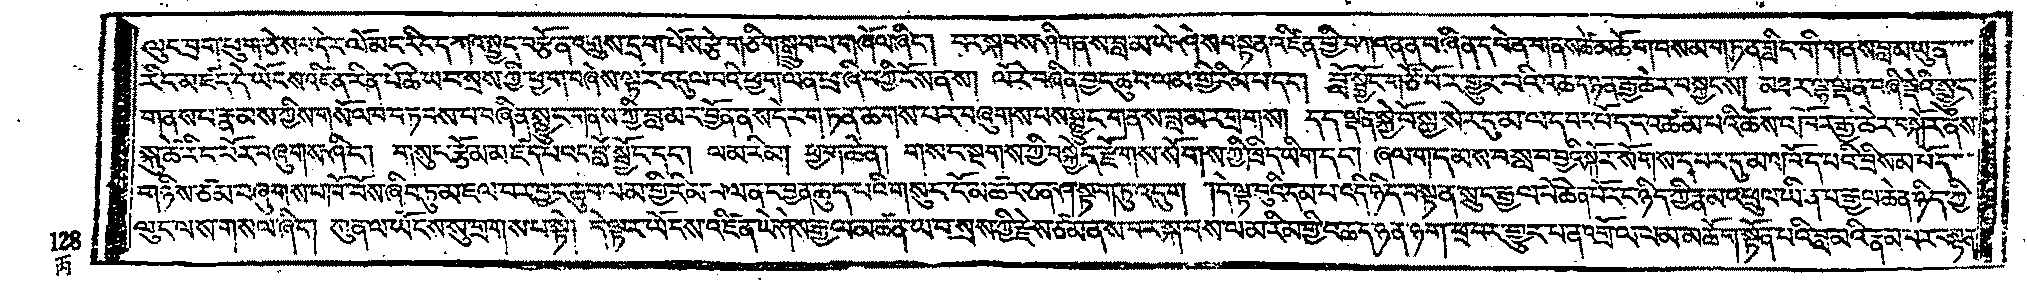ལུང་བྲག་ཕུག་ཅེས་པ་དེར་ལོ་མང་རིང་དཀའ་སྤྱད་བརྩོན་འགྲུས་དྲག་པོས་རྩེ་གཅིག་སྒྲུབ་ལ་གཞོལ་ཞིང་། བར་སྐབས་ཤིག་ནས་བླ་མ་ཡེ་ཤེས་བསྟན་འཛིན་གྱི་བཀའ་ནན་བཞིན་དབེན་གནས་ཚེ་མཆོག་བསམ་གཏན་གླིང་གི་གནས་བླ་མ་ཡུན་
རིང་མཛད་དེ་ཡོངས་འཛིན་རིན་པོ་ཆེ་ཡབ་སྲས་ཀྱི་ཕྱག་བཞེས་ལྟར་འདུལ་བའི་ཕྱག་ལེན་ཕྲ་ཞིབ་ཀྱི་ངོས་ནས། ལོ་རེ་བཞིན་བྱང་ཆུབ་ལམ་གྱི་རིམ་པ་དང་། བློ་སྦྱོང་གཙོ་བོར་གྱུར་པའི་འཆད་ཉན་རྒྱ་ཆེར་བསྐྱངས། མཐར་ལྷ་ལྡན་བཞི་སྡེའི་སྨྱུང་
གནས་པ་རྣམས་ཀྱིས་གསོལ་བ་བཏབས་པ་བཞིན་སྨྱུང་གནས་ཀྱི་བླ་མར་བྱོན་ནས་དེར་གཏན་ཆགས་པར་བཞུགས་པས་སྨྱུང་གནས་བླ་མར་གྲགས། དད་ལྡན་སྐྱེ་བོ་སྐྱ་སེར་དུ་མ་ལ་དབང་པོ་དང་འཚམ་པའི་ཆོས་འཁོར་རྒྱ་ཆེར་བསྐོར་ནས་
སྐུ་ཚེ་རིང་པོར་བཞུགས་ཤིང་། གསུང་རྩོམ་མཛད་པའང་བློ་སྦྱོང་དང་། ལམ་རིམ། ཕྱག་ཆེན། གསང་སྔགས་ཀྱི་བསྐྱེད་རྫོགས་སོགས་ཀྱི་ཁྲིད་ཡིག་དང་། ཞལ་གདམས་བསླབ་བྱའི་སྐོར་སོགས་དཔར་དུ་མ་འཁོད་པའི་བྲིས་མ་པོད་
གཉིས་ཙམ་བཞུགས་པ་ཁོ་བོས་ཞིབ་ཏུ་མཇལ་བར་བྱང་ཆུབ་ལམ་གྱི་རིམ་པ་ལ་ནང་བྱན་ཆུད་པའི་གསུང་ངོ་མཚར་ཅན་ཤ་སྟག་ཏུ་འདུག །དེ་ལྟ་བུའི་དམ་པ་འདི་ཉིད་བསྟན་སྲུང་རྒྱལ་པོ་ཆེན་པོ་རང་ཉིད་ཀྱི་རྣམ་འཕྲུལ་ཡིན་པ་རྒྱལ་ཆེན་ཉིད་ཀྱི་
ལུང་ལས་གསལ་ཞིང་། ཀུན་ལ་ཡོངས་སུ་གྲགས་པ་སྟེ། དེ་ལྟར་ཡོངས་འཛིན་ཡེ་ཤེས་རྒྱལ་མཚན་ཡབ་སྲས་ཀྱི་རྗེས་ཙམ་ནས་བར་སྐབས་ལམ་རིམ་གྱི་འཆད་ཉན་ཉག་ཕྲ་བར་གྱུར་པ་ན་འགྲོ་ལ་ལམ་མཆོག་སྟོན་པའི་བླ་མའི་རྣམ་པར་བསྟན་